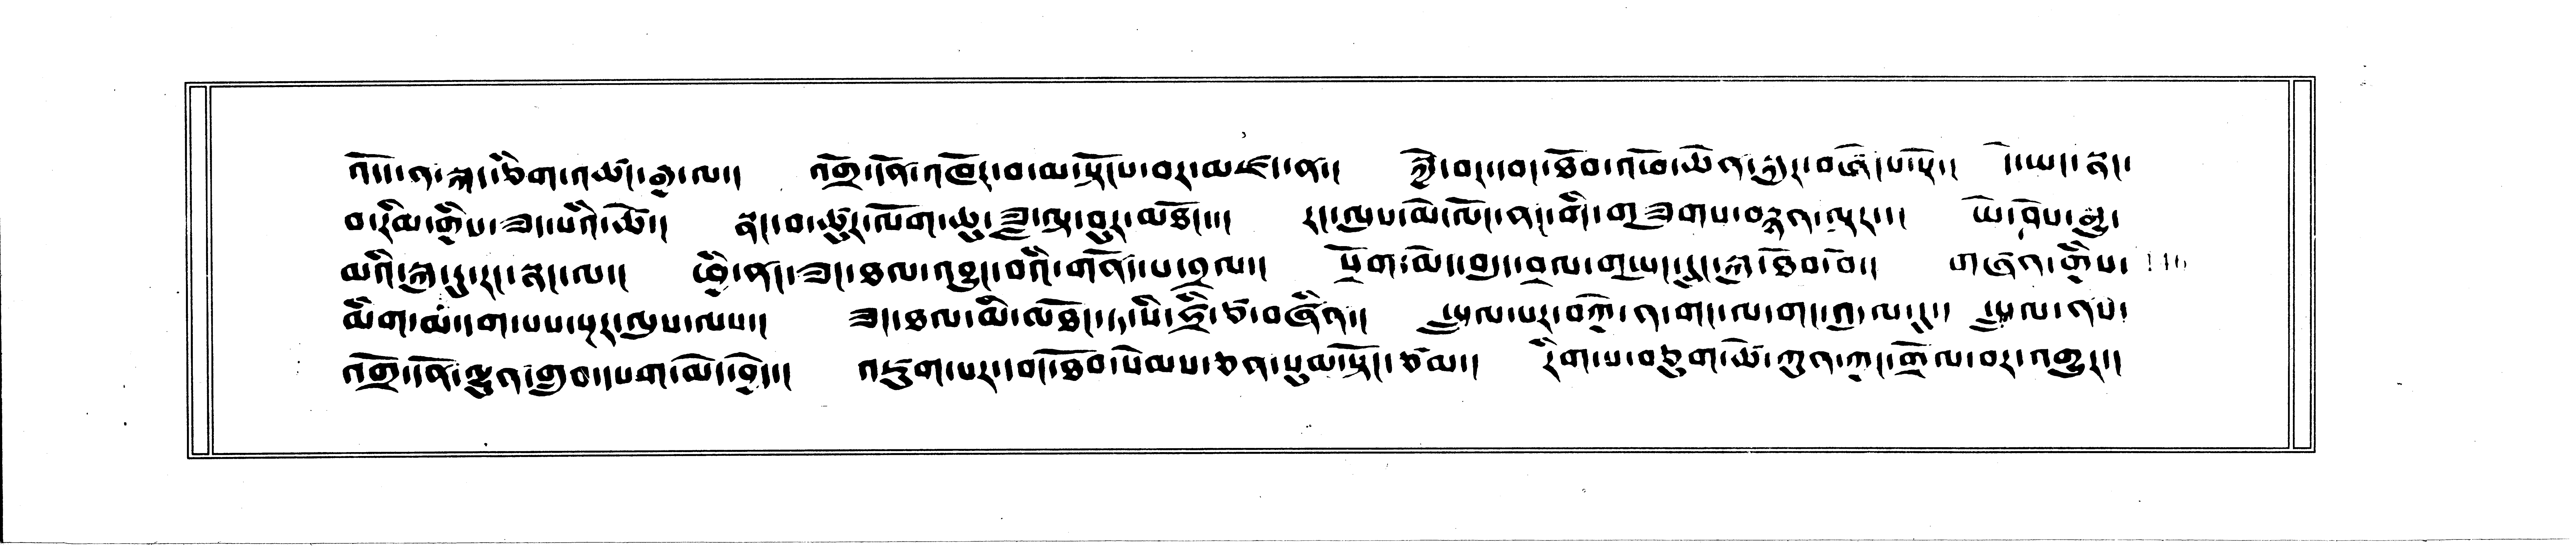འདོད་ན་སྐད་ཅིག་འཚང་རྒྱ་ལ། །འགྲོ་དོན་འཁོར་བ་མ་སྟོང་བར་མཛད་ན། །སྐྱེ་བར་དབང་ཐོབ་འཕོ་ཆེན་སྐུར་བཞེངས་སོགས། །དེ་ཡང་སྣང་
བ་རིམ་བཞིན་ཟད་པའི་ཚེ། །སྣང་བ་ཚུར་ལོག་ཆུ་ཟླ་ལྟ་བུར་མཐོང་། །རང་ལུས་མེ་ལོང་ནང་གི་གཟུགས་བརྙན་ལྟར། །ཡེ་ཤེས་སྒྱུ་
མའི་སྐུ་རུ་རང་སྣང་ལ། །ཕྱི་ནང་ཟང་ཐལ་འབྱུང་བའི་གནོད་པ་བྲལ། །སྲོག་མེད་བདུད་བྲལ་གཡུང་དྲུང་སྐུ་ཐོབ་བོ། །གཞན་གྱིས་
མིག་མ་དག་པས་སྔར་ལུས་ལས། །ཟང་ཐལ་མི་མཐོང་ཏ་པི་ཧྲི་ཙ་བཞིན། །སྤྲུལ་པར་བཀྱེ་ན་གང་ལ་གང་འདུལ་དུ། །སྤྲུལ་ནས་
འགྲོ་དོན་ལྷུན་གྲུབ་དཔག་མེད་བྱེད། །འཇུག་པར་དབང་ཐོབ་སེམས་ཅན་སུམ་སྟོང་ཙམ། །རིག་པ་བཅུག་ཚེ་ཀུན་ཀྱང་གྲོལ་བར་འགྱུར། །